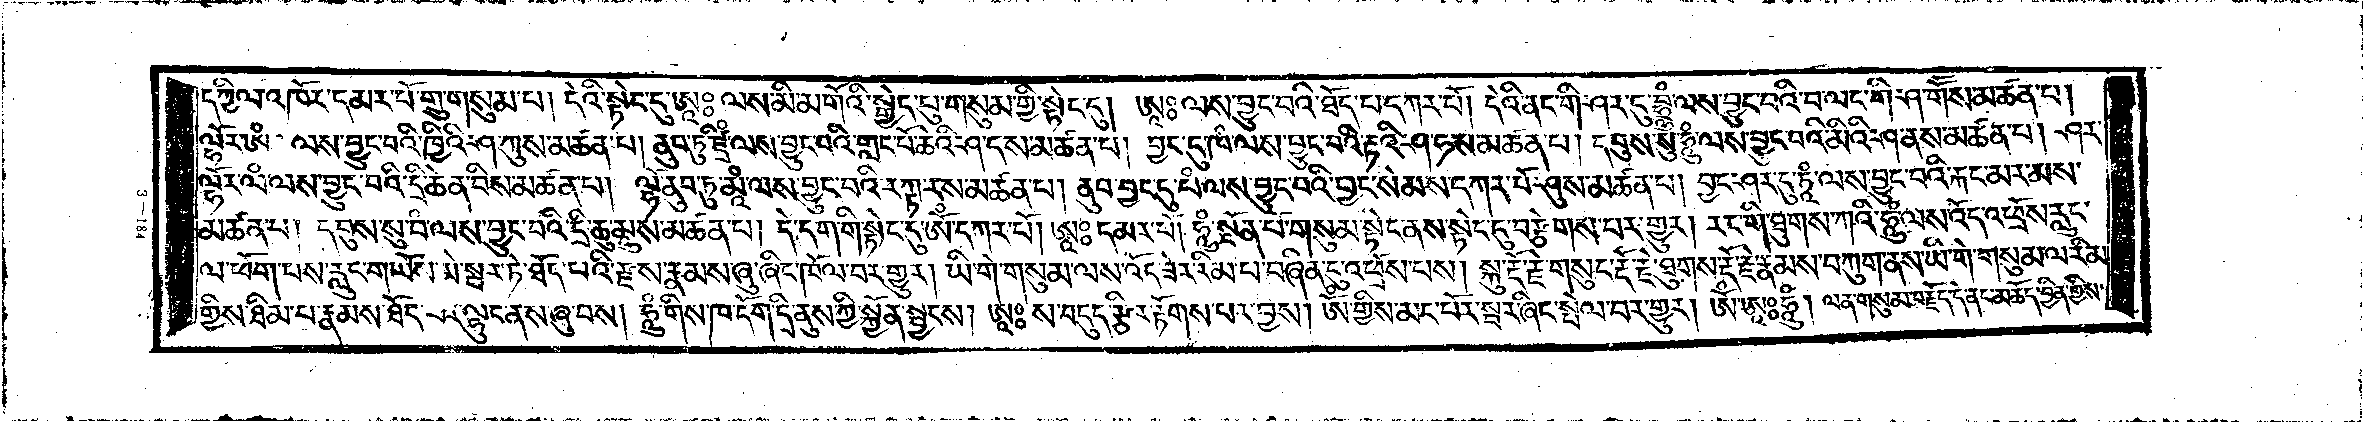དཀྱིལ་འཁོར་དམར་པོ་གྲུ་གསུམ་པ། དེའི་སྟེང་དུ་ཨཱཿ ལས་མི་མགོའི་སྒྱེད་པུ་གསུམ་གྱི་སྟེང་དུ། ཨཱཿ ལས་བྱུང་བའི་ཐོད་པ་དཀར་པོ། དེའི་ནང་གི་ཤར་དུ་བྷྲཱུཾ་ལས་བྱུང་བའི་བ་ལང་གི་ཤ་གོས་མཚན་པ།
ལྷོར་ཨཾ་ལས་བྱུང་བའི་ཁྱིའི་ཤ་ཀུས་མཚན་པ། ནུབ་ཏུ་ཛྲིཾ་ལས་བྱུང་བའི་གླང་པོ་ཆེའི་ཤ་ད་ས་མཚན་པ། བྱང་དུཁཾ་ལས་བྱུང་བའི་རྟའི་ཤ་དས་མཚན་པ། དབུས་སུ་ཧཱུཾ་ལས་བྱུང་བའི་མིའི་ཤ་ནས་མཚན་པ། ཤར་
ལྷོར་ལཾ་ལས་བྱུང་བའི་དྲི་ཆེན་བིས་མཚན་པ། ལྷོ་ནུབ་ཏུ་མཱཾ་ལས་བྱུང་བའི་རཀྟ་རས་མཚན་པ། ནུབ་བྱང་དུ་པཾ་ལས་བྱུང་བའི་བྱང་སེམས་དཀར་པོ་ཤུས་མཚན་པ། བྱང་ཤར་དུ་ཏཱཾ་ལས་བྱུང་བའི་རྐང་མར་མས་
མཚན་པ། དབུས་སུ་བཾ་ལས་བྱུང་བའི་དྲི་ཆུ་མཱུས་མཚན་པ། དེ་དག་གི་སྟེང་དུ་ཨོཾ་དཀར་པོ། ཨཱཿ དམར་པོ། ཧཱུཾ་སྔོན་པོ་གསུམ་སྟེང་ནས་སྟེང་དུ་བརྩེགས་པར་གྱུར། རང་གི་ཐུས་ཀའི་ཧཱུཾ་ལས་འོད་འཕྲོས་རླུང་
ལ་ཕོག་པས་རླུང་གཡོས་མེ་སྦར་ཏེ་ཐོད་པའི་རྫས་རྣམས་ཞུ་ཞིང་ཁོལ་བར་གྱུར། ཡི་གེ་གསུམ་ལ་སོད་ཟེར་རིམ་པ་བཞིན་དུ་འཕྲོས་པས། སྐུ་རྡོ་རྗེ་གསུང་རྡོ་རྗེ་རྣམས་བཀུག་ནས་ཡི་གེ་གསུམ་ལ་རིམ་
གྱིས་ཐིམ་པ་རྣམས་ཐོད་པར་ལྷུང་ནས་ཞུ་བས། ཧཱུཾ་གིས་ཁ་དོག་དྲི་ནུས་ཀྱི་སྐྱོན་སྦྱངས། ཨཱཿ ས་བདུད་རྩིར་རྟོགས་པར་བྱས། ཨོཾ་གྱིས་མང་པོར་སྦར་ཞིང་སྤེལ་བར་གྱུར། ཨོཾ་ཨཱཿ ཧཱུཾ། ལན་གསུམ་བརྗོད་དེ་ནང་མཆོད་བྱིན་གྱིས་